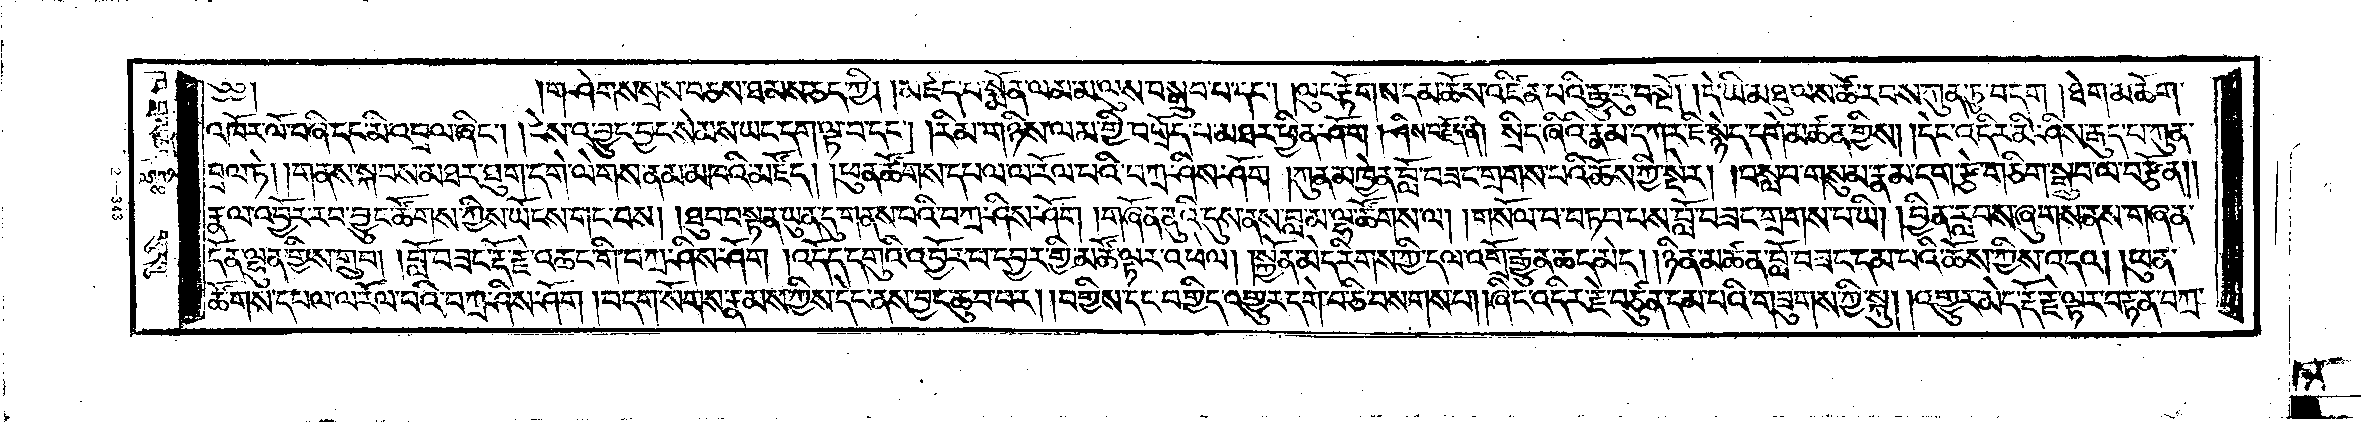༄༅། །གཤེགས་སྲས་བཅས་ཐམས་ཅད་ཀྱི། །མཛད་པ་སྨོན་ལམ་མ་ལུས་བསྒྲུབ་པ་དང་། །ལུང་རྟོགས་དམ་ཆོས་འཛིན་པའི་རྒྱུ་རུ་བསྔོ། །དེ་ཡི་མཐུ་ལས་ཚོ་རབས་ཀུན་ཏུ་བདག །ཐེག་མཆོག་
འཁོར་ལོ་བཞི་དང་མི་འབྲལ་ཞིང་། །ངེས་འབྱུང་བྱང་སེམས་ཡང་དག་ལྟ་བ་དང་། །རིམ་གཉིས་ལམ་གྱི་བགྲོད་པ་མཐར་ཕྱིན་ཤོག་།ཤིས་བརྗོད་ནི།  སྲིད་ཞིའི་རྣམ་དཀར་ཇི་སྙེད་དགེ་མཚན་གྱིས། །དེང་འདིར་མི་ཤིས་རྒུད་པ་ཀུན་
བྲལ་ཏེ། །གནས་སྐབས་མཐར་ཐུག་དགེ་ལེགས་ནམ་མཁའི་མཛོད། །ཕུན་ཚོགས་དཔལ་ལ་རོལ་པའི་བཀྲ་ཤིས་ཤོག །ཀུན་མཁྱེན་བློ་བཟང་གྲགས་པའི་ཆོས་ཀྱི་སྡེར། །བསླབ་གསུམ་རྣམ་དག་རྩེ་གཅིག་སྒྲུབ་ལ་བརྩོན།།
རྣལ་འབྱོར་རབ་བྱུང་ཚོགས་ཀྱིས་ཡོངས་གང་བས། །ཐུབ་བསྟན་ཡུན་དུ་གནས་པའི་བཀྲ་ཤིས་ཤོག །གཞོན་ནུའི་དུས་ནས་བླ་མ་ལྷ་ཚོགས་ལ། །གསོལ་བ་བཏབ་པས་བློ་བཟང་གྲགས་པ་ཡི། །བྱིན་རླབས་ཞུགས་ནས་གཞན་
དོན་ལྷུན་གྱིས་གྲུབ། །བློ་བཟང་རྡོ་རྗེ་འཆང་གི་བཀྲ་ཤིས་ཤོག །འདོད་དགུའི་འབྱོར་བ་དབྱར་གྱི་མཚོ་ལྟར་འཕེལ། །སྐྱོན་མེད་རིགས་ཀྱི་དལ་འགྲོ་རྒྱུན་ཆད་མེད། །ཉིན་མཚན་བློ་བཟང་དམ་པའི་ཆོས་ཀྱིས་འདའ། །ཕུན་
ཚོགས་དཔལ་ལ་རོལ་པའི་བཀྲ་ཤིས་ཤོག །བདག་སོགས་རྣམས་ཀྱིས་དེང་ནས་བྱང་ཆུབ་བར། །བགྱིས་དང་བགྱིད་འགྱུར་དགེ་བ་ཅི་བསགས་པ། །ཞིང་འདིར་རྗེ་བཙུན་དམ་པའི་གཟུགས་ཀྱི་སྐུ། །འགྱུར་མེད་རྡོ་རྗེ་ལྟར་བརྟན་བཀྲ་